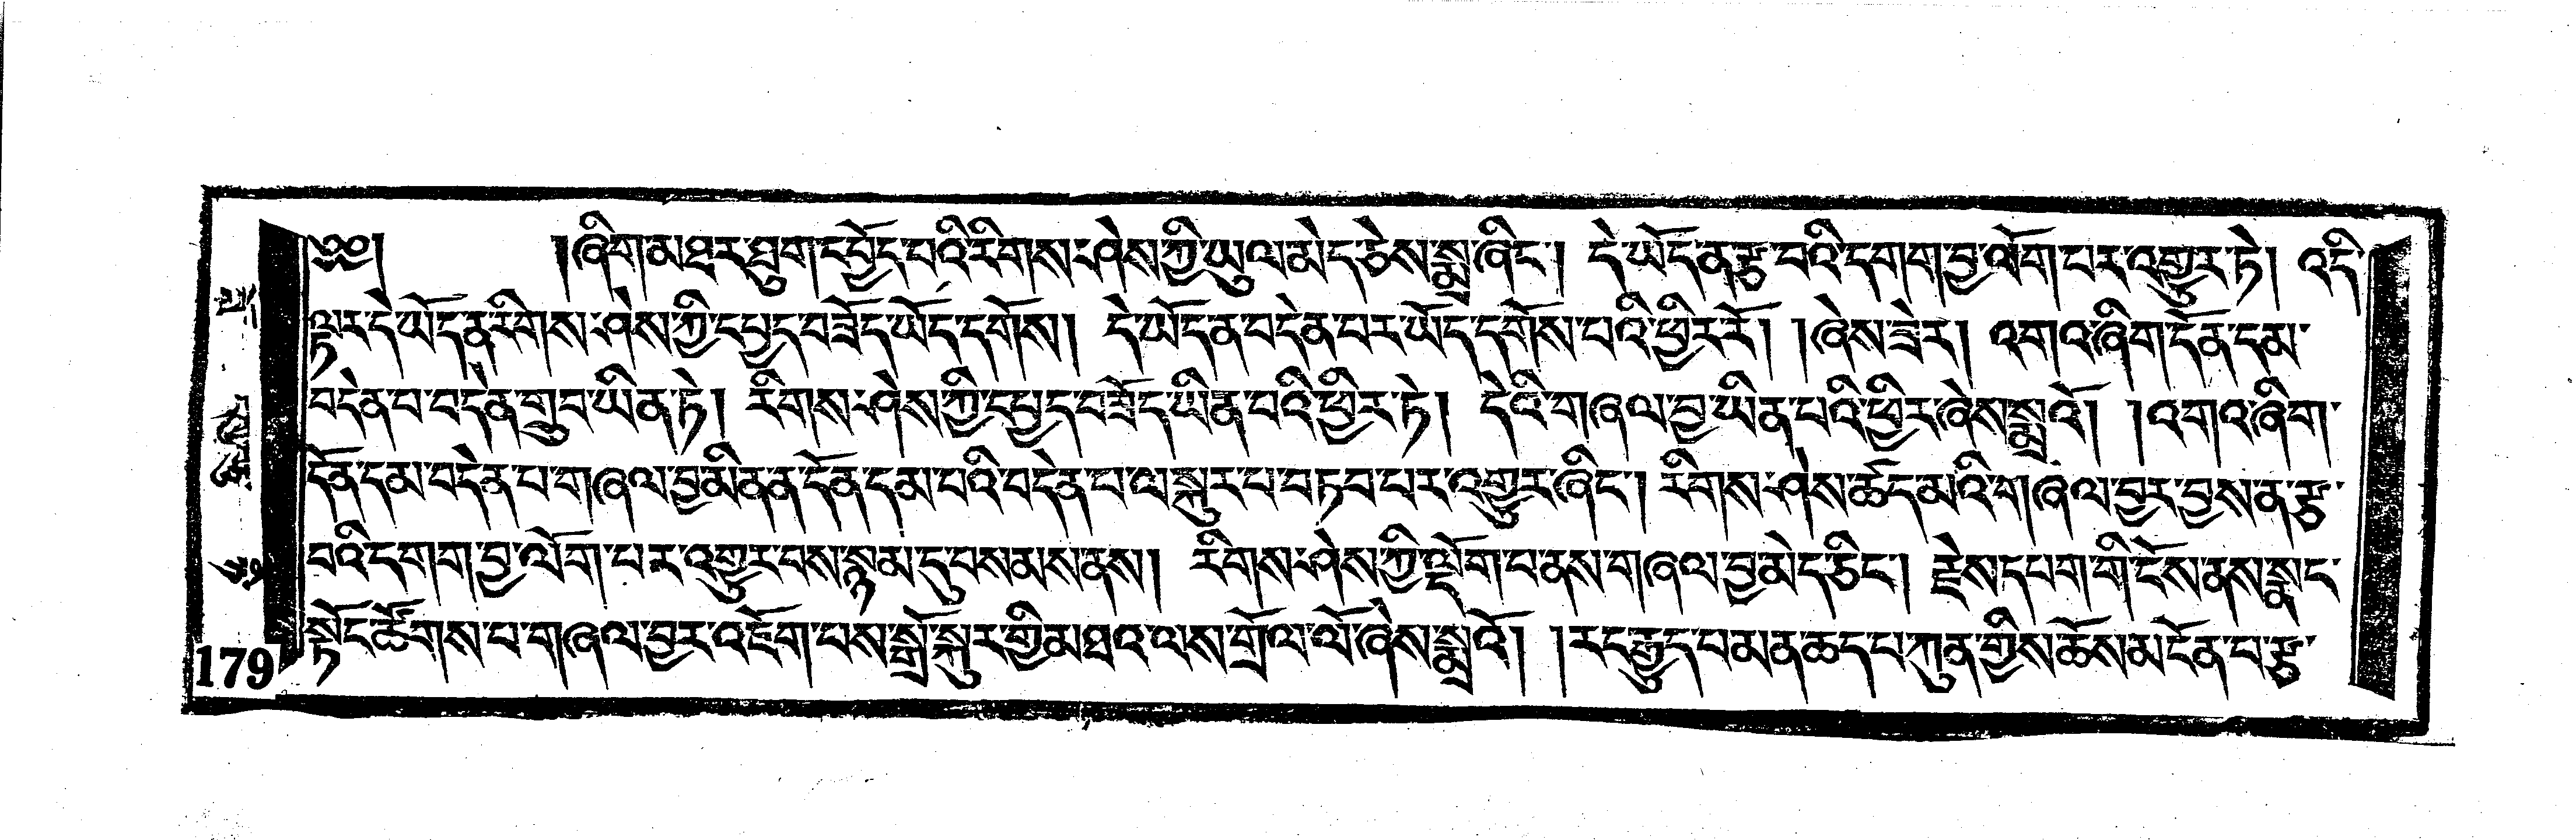༄༅། །ཞིག་མཐར་ཐུག་དཔྱོད་པའི་རིགས་ཤེས་ཀྱི་ཡུལ་མེད་ཅེས་སྨྲ་ཞིང་། དེ་ཡོད་ན་རྩ་བའི་དགག་བྱ་ལོག་པར་འགྱུར་ཏེ། འདི་
ལྟར་དེ་ཡོད་ན་རིགས་ཤེས་ཀྱི་དཔྱད་བཟོད་ཡོད་དགོས། དེ་ཡོད་ན་བདེན་པར་ཡོད་དགོས་པའི་ཕྱིར་རོ། །ཞེས་ཟེར། འགའ་ཞིག་དོན་དམ་
བདེན་པ་བདེན་གྲུབ་ཡིན་ཏེ། རིགས་ཤེས་ཀྱི་དཔྱད་བཟོད་ཡིན་པའི་ཕྱིར་ཏེ། དེའི་གཞལ་བྱ་ཡིན་པའི་ཕྱིར་ཞེས་སྨྲའོ། །འགའ་ཞིག་
དོན་དམ་བདེན་པ་གཞལ་བྱ་མིན་ན་དོན་དམ་པའི་བདེན་པ་ལ་སྐུར་པ་བཏབ་པར་འགྱུར་ཞིང་། རིགས་ཤེས་ཚད་མའི་གཞལ་བྱར་བྱས་ན་རྩ་
བའི་དགག་བྱ་ལོག་པར་འགྱུར་བས་སྙམ་དུ་བསམས་ནས། རིགས་ཤེས་ཀྱི་ལྡོག་པ་ནས་གཞལ་བྱ་མེད་ཅིང་། རྗེས་དཔག་གི་ངོས་ནས་སྣང་
སྟོང་ཚོགས་པ་གཞལ་བྱར་འཇོག་པས་སྒྲོ་སྐུར་གྱི་མཐའ་ལས་གྲོལ་ལོ་ཞེས་སྨྲའོ། །རང་རྒྱུད་པ་མན་ཆད་པ་ཀུན་གྱིས་ཆོས་མངོན་པ་རྩ་